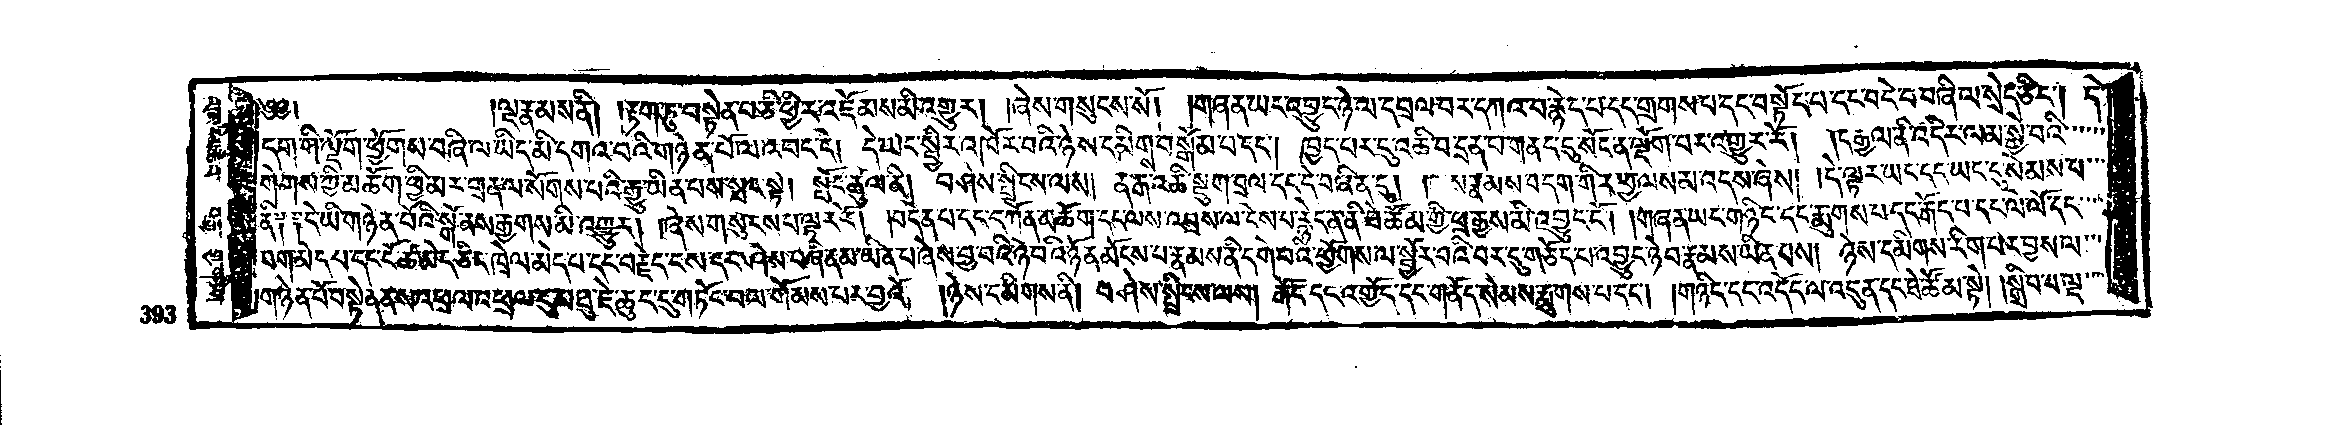༄༅། །ལྔ་རྣམས་ནི། །རྟག་ཏུ་བསྟེན་པ་ཅི་ཕྱིར་འཇོམས་མི་འགྱུར། །ཞེས་གསུངས་སོ། །གཞན་ཡང་འབྱུང་ཉེ་ལ་དབྲལ་བར་དཀའ་བ་རྙེད་པ་དང་གྲགས་པ་དང་བསྟོད་པ་དང་བདེ་བ་བཞི་ལ་སྲེད་ཅིང་། དེ་
དག་གི་ལྡོག་ཕྱོགས་བཞི་ལ་ཡིད་མི་དགའ་བའི་གཉེན་པོ་ལ་འབད་དེ། དེ་ཡང་སྤྱིར་འཁོར་བའི་ཉེས་དམིགས་བསྒོམ་པ་དང་། ཁྱད་པར་དུ་འཆི་བ་དྲན་པ་གནད་དུ་སོང་ན་ལྡོག་པར་འགྱུར་རོ། །ང་རྒྱལ་ནི་འདིར་ལམ་སྐྱེ་བའི་
གེགས་ཀྱི་མཆོག་ཕྱི་མར་བྲན་ལ་སོགས་པའི་རྒྱུ་ཡིན་པས་སྤང་སྟེ། སྤོང་ཚུལ་ནི། བཤེས་སྤྲིངས་ལས། ན་རྒ་འཆི་སྡུག་བྲལ་དང་དེ་བཞིན་དུ། །ལས་རྣམས་བདག་གིར་བྱ་ལས་མ་འདས་ཞེས། །དེ་ལྟར་ཡང་དང་ཡང་དུ་སེམས་པ་
ནི༑ ༑དེ་ཡི་གཉེན་པོའི་སྒོ་ནས་རྒྱགས་མི་འགྱུར། །ཞེས་གསུངས་པ་ལྟར་རོ། །བདེན་པ་དང་དཀོན་མཆོག་དང་ལས་འབྲས་ལ་ངེས་པ་རྙེད་ན་ནི་ཐེ་ཚོམ་གྱི་ཕྲ་རྒྱས་མི་འབྱུང་ངོ། །གཞན་ཡང་གཉིད་དང་རྨུགས་པ་དང་རྒོད་པ་དང་ལེ་ལོ་དང་
བག་མེད་པ་དང་ངོ་ཚ་མེད་ཅིང་ཁྲེལ་མེད་པ་དང་བརྗེད་ངས་དང་ཤེས་བཞིན་མ་ཡིན་པ་ཞེས་བྱ་བའི་ཉེ་བའི་ཉོན་མོངས་པ་རྣམས་ནི་དགེ་བའི་ཕྱོགས་ལ་སྦྱོར་བའི་བར་དུ་གཅོད་པ་འབྱུང་ཉེ་བ་རྣམས་ཡིན་པས། ཉེས་དམིགས་རིག་པར་བྱས་ལ་
གཉེན་པོ་བསྟེན་ནས་འཕྲལ་འཕྲལ་དུ་མཐུ་རྗེ་ཆུང་ངུ་གཏོང་བ་ལ་གོམས་པར་བྱའོ། །ཉེས་དམིགས་ནི། བཤེས་སྤྲིངས་ལས། རྒོད་དང་འགྱོད་དང་གནོད་སེམས་རྨུགས་པ་དང་། །གཉིད་དང་འདོད་ལ་འདུན་དང་ཐེ་ཚོམ་སྟེ། །སྒྲིབ་པ་ལྔ་